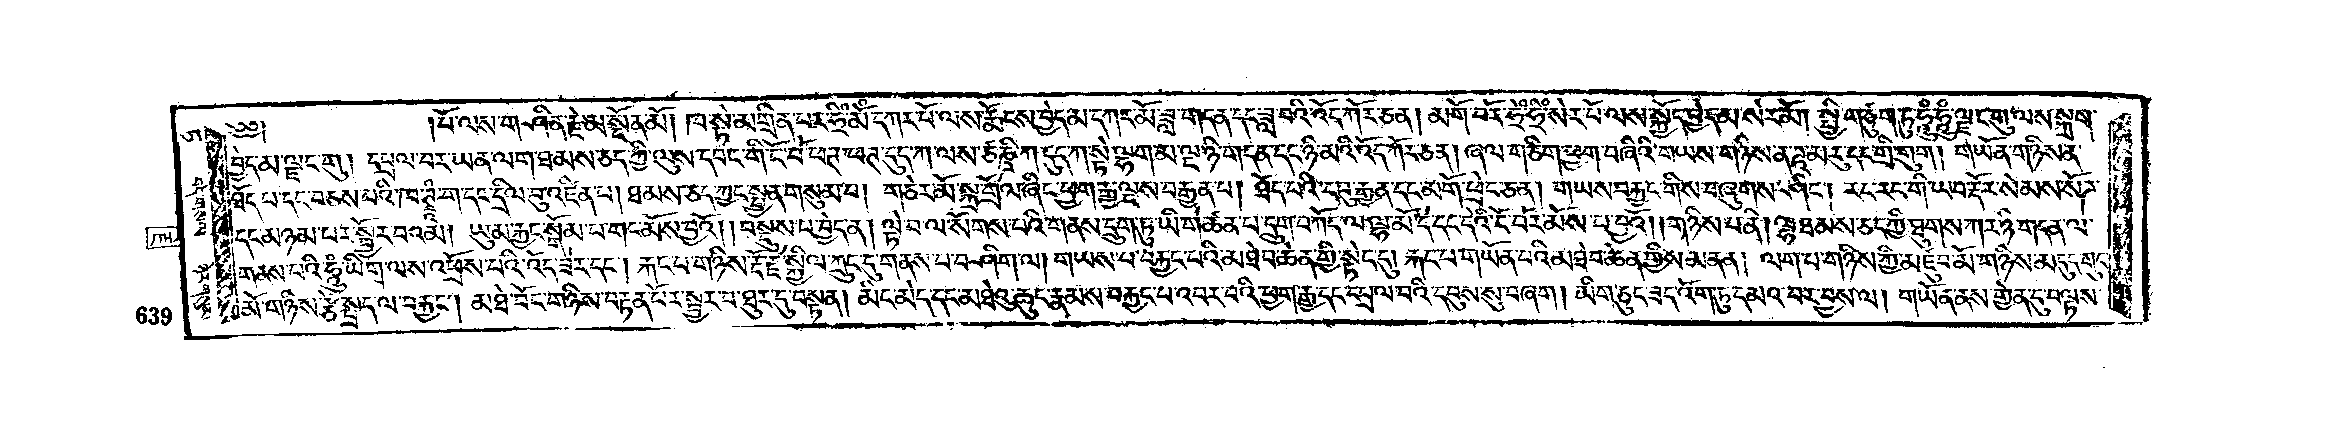༄༅། །པོ་ལས་གཤིན་རྗེ་མ་སྔོན་མོ། ཁ་སྟེ་མགྲིན་པར་ཧྲིཾ་མོཾ་དཀར་པོ་ལས་རྨོངས་བྱེད་མ་དཀར་མོ་ཟླ་གདན་དང་ཟླ་བའི་འོད་ཀོར་ཅན། མགོ་བོར་ཧྲེཾ་ཧྲིཾ་སེར་པོ་ལས་སྐྱོད་བྱེད་མ་སེར་མོ། སྤྱི་གཙུག་ཏུ་ཧཱུཾ་ཧཱུཾ་ལྗང་གུ་ལས་སྐྲག་
བྱེད་མ་ལྗང་གུ །དཔྲལ་བར་ཡན་ལག་ཐམས་ཅད་ཀྱི་ལུས་དབང་གི་ངོ་བོ་ཕཊ་ཕཊ་དུད་ཀ་ལས་ཙཎྜི་ཀ་དུད་ཀ་སྟེ་ལྷག་མ་ལྔ་ཉི་གདན་དང་ཉི་མའི་འོད་ཀོར་ཅན། ཞལ་གཅིག་ཕྱག་བཞིའི་གཡས་གཉིས་ན་ཌཱ་མ་རུ་དང་གྲི་གུག །གཡོན་གཉིས་ན་
ཐོད་པ་དང་བཅས་པའི་ཁ་ཊྭཱཾ་ག་དང་དྲིལ་བུ་འཛིན་པ། ཐམས་ཅད་ཀྱང་སྤྱན་གསུམ་པ། གཅེར་མོ་སྐྲ་གྲོལ་ཞིང་ཕྱག་རྒྱ་ལྔས་བརྒྱན་པ། ཐོད་པའི་དབུ་རྒྱན་དང་མགོ་ཕྲེང་ཅན། གཡས་བརྐྱང་གིས་བཞུགས་ཤིང་། རང་རང་གི་ཡབ་རྡོར་སེམས་སོགས་
དང་མཉམ་པར་སྦྱོར་བའམ། ཡུམ་རྐྱང་སྒོམ་པ་གང་མོས་བྱའོ། །བསྡུས་པ་བྱེད་ན། ལྟེ་བ་ལ་སོགས་པའི་གནས་དྲུག་ཏུ་ཡི་གེ་ཚན་པ་དྲུག་བཀོད་ལ་ལྷ་མོ་དེ་དང་དེའི་ངོ་བོར་མོས་པ་བྱའོ། །གཉིས་པ་ནི། ལྷ་ཐམས་ཅད་ཀྱི་ཐུགས་ཀར་ཉི་གདན་ལ་
གནས་པའི་ཧཱུཾ་ཡིག་ལས་འཕྲོས་པའི་འོད་ཟེར་དང་། རྐང་པ་གཉིས་རྡོ་རྗེ་སྐྱིལ་ཀྲུང་དུ་གནས་པ་བཤིག་ལ། གཡས་པ་བརྐྱང་པའི་མཐེབ་ཆེན་གྱི་སྟེང་དུ། རྐང་པ་གཡོན་པའི་མཐེབ་ཆེན་གྱིས་མནན། ལག་པ་གཉིས་ཀྱི་མཛུབ་མོ་གཉིས་མདུད་གུང་
མོ་གཉིས་རྩེ་སྤྲད་ལ་བརྐྱང་། མཐེ་བོང་གཉིས་བརྟན་པོར་སྦྱར་བ་ཐུར་དུ་བསྟན། མིང་མེད་དང་མཐེའུ་ཆུང་རྣམས་བརྐྱང་པ་འབར་བའི་ཕྱག་རྒྱ་དང་དཔྲལ་བའི་དབུས་སུ་བཞག །མིག་ཅུང་ཟད་འོག་ཏུ་དམའ་བར་བྱས་ལ། གཡོན་ནས་གྱེན་དུ་བལྟས་